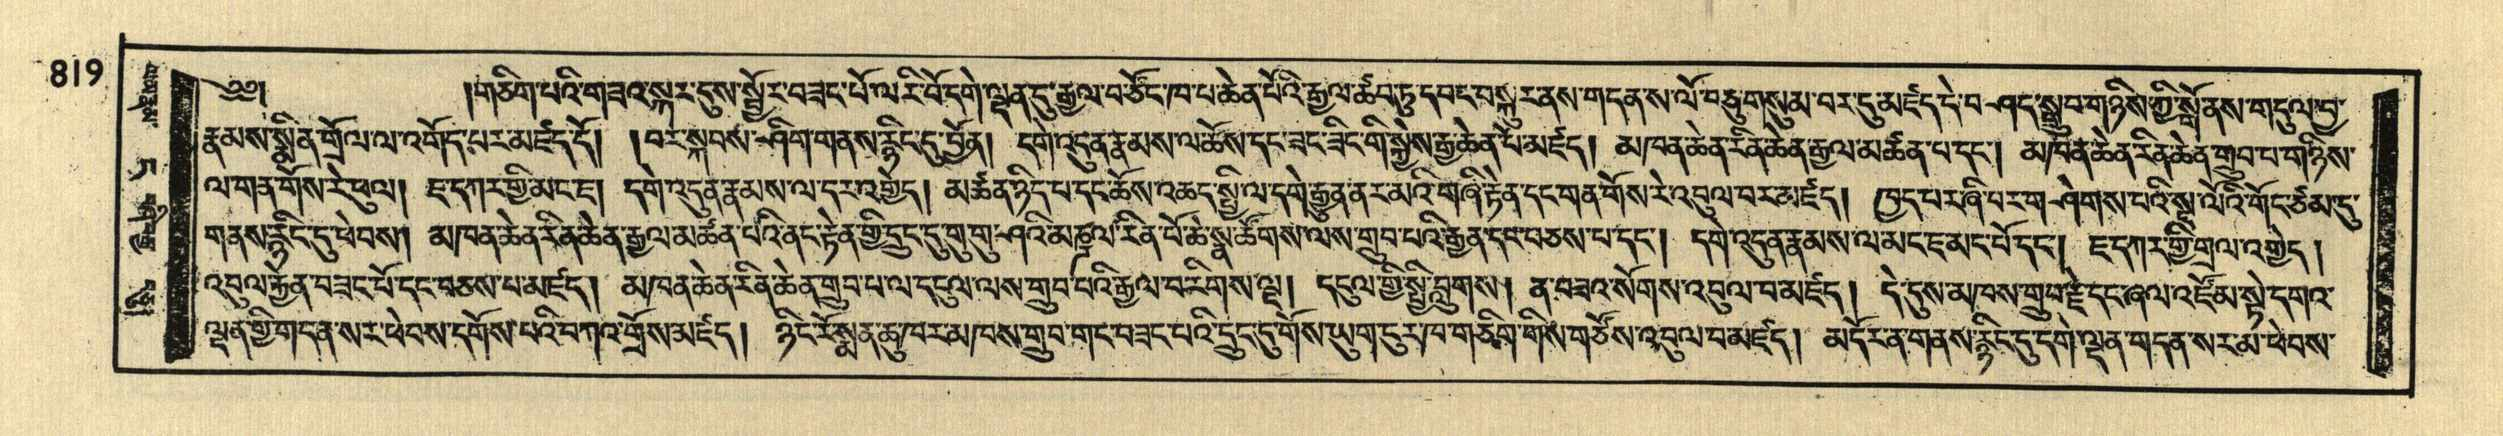༄༅། །གཅིག་པའི་གཟའ་སྐར་དུས་སྦྱོར་བཟང་པོ་ལ་རི་བོ་དགེ་ལྡན་དུ་རྒྱལ་བ་ཙོང་ཁ་པ་ཆེན་པོའི་རྒྱལ་ཚབ་ཏུ་དབང་བསྐུར་ནས་གདན་ས་ལོ་བཅུ་གསུམ་བར་དུ་མཛད་དེ་བཤད་སྒྲུབ་གཉིས་ཀྱི་སྒོ་ནས་གདུལ་བྱ་
རྣམས་སྨིན་གྲོལ་ལ་འགོད་པར་མཛད་དོ། །བར་སྐབས་ཤིག་གནས་རྙིང་དུ་བྱོན། དགེ་འདུན་རྣམས་ལ་ཆོས་དང་ཟང་ཟིང་གི་སྐྱེས་རྒྱ་ཆེན་པོ་མཛད། མཁན་ཆེན་རིན་ཆེན་རྒྱལ་མཚན་པ་དང་། མཁན་ཆེན་རིན་ཆེན་གྲུབ་པ་གཉིས་
ལ་གན་གོས་རེ་ཕུལ། ཇ་དཀར་གྱི་མང་ཇ། དགེ་འདུན་རྣམས་ལ་དར་འགྱེད། མཚན་ཉིད་པ་དང་ཆོས་འཆད་སྤྱི་ལ་དགེ་རྒྱུན་ནར་མའི་གཞི་རྟེན་དང་གན་གོས་རེ་འབུལ་བར་མཛད། ཁྱད་པར་ཞི་པར་གཤེགས་པའི་སྔ་ལོའི་གོང་ཙམ་དུ་
གནས་རྙིང་དུ་ཕེབས། མཁན་ཆེན་རིན་ཆེན་རྒྱལ་མཚན་པའི་ནང་རྟེན་གྱི་དྲུང་དུ་གུ་གུ་ཤའི་མཎྜལ་རིན་པོ་ཆེ་སྣ་ཚོགས་ལས་གྲུབ་པའི་རྒྱན་དང་བཅས་པ་དང་། དགེ་འདུན་རྣམས་ལ་མང་ཇ་མང་པོ་དང་། ཇ་དཀར་གྱི་གྲལ་འགྱེད།
འབུལ་རྐྱེན་བཟང་པོ་དང་བཅས་པ་མཛད། མཁན་ཆེན་རིན་ཆེན་གྲུབ་པ་ལ་དངུལ་ལས་གྲུབ་པའི་རྒྱལ་བ་རིགས་ལྔ། དངུལ་གྱི་སྤྱི་བླུགས། ན་བཟའ་སོགས་འབུལ་བ་མཛད། དེ་དུས་མཁས་གྲུབ་རྗེ་དང་ཞལ་འཛོམ་སྟེ་དགའ་
ལྡན་གྱི་གདན་སར་ཕེབས་དགོས་པའི་བཀའ་གྲོས་མཛད། ཉིང་རོ་སྨན་ཆུ་ཁར་མཁས་གྲུབ་གང་བཟང་པའི་དྲུང་དུ་གོས་ཡུག་ངུར་ཁ་གཅིག་གིས་གཙོས་འབུལ་བ་མཛད། མདོར་ན་གནས་རྙིང་དུ་དགེ་ལྡན་གདན་སར་མ་ཕེབས་